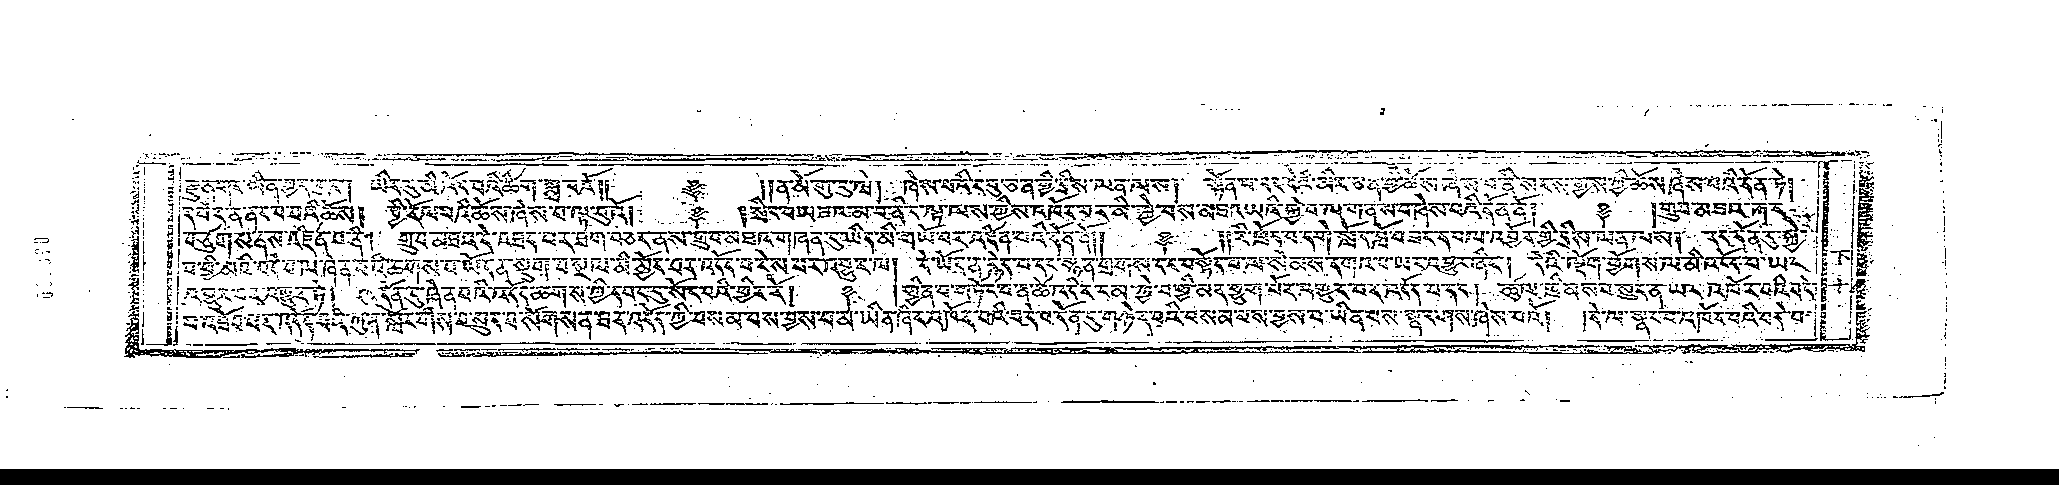རྫུན་གང་ཡིན་ཀྱང་རུང་། ཡིད་དུ་མི་འོང་བའི་ཚིག་སྨྲ་བའོ།། ༈ །།ན་མོ་གུ་རུ་ཝེ། ཞེས་པའི་དབུ་ཅན་གྱི་དྲིས་ལན་ལས། སྟོན་པ་དང་དེའི་མིང་ཅན་ཀྱི་ཆོས་ཞེས་པ་ནི་སངས་རྒྱས་ཀྱི་ཆོས་ཞེས་པའི་དོན་ཏེ།
དཔེར་ན་ནང་བ་པའི་ཆོས། ཕྱི་རོལ་བའི་ཆོས་ཞེས་པ་ལྟ་བུའོ། ༈ །སྲིད་བ་མཐའ་མ་པ་ནི་ད་ལྟ་ལས་ཀྱིས་འཁོར་བར་མི་སྐྱེ་བས་མཐའ་མའི་སྐྱེ་བ་ལ་གནས་བ་ཞེས་པའི་དོན་ནོ། ༈ །གྲུབ་མཐའ་རྐང་
བཙུགས་ནས་འཛིན་པ་ནི། གྲུབ་མཐའ་དེ་འྶྲད་བར་ཐག་བཅད་ནས་གྲུབ་མཐའ་གཞན་དུ་ཡིད་མི་གཡོ་བར་འཛིན་པའི་དོན་ནོ།། ༈ །།རི་ཁྲོད་པ་དགེ་སློང་བློ་བཟང་དཔལ་འབྱོར་གྱི་དྲིས་ལན་ལས། རང་དོན་དུ་སྐྱེ་
བ་ཕྱི་མའི་བདེ་བ་ལ་ཞེན་པའི་ཆགས་བ་ཡོད་ན་སྡུག་བསྔལ་མི་མྱོང་བར་འདོད་པ་ངེས་པར་འབྱུང་ལ། དེ་ཡོད་ན་རྙེད་པ་དང་སྙན་གྲགས་དང་བསྟོད་པ་ལ་སེམས་དགའ་བ་ཡང་འབྱུང་ཞིང་། དེའི་ལྡོག་ཕྱོགས་ལ་མི་འདོད་པ་ཡང་
འབྱུང་བར་འགྱུར་ཏེ། རང་དོན་དུ་ཞེན་བའི་འདོད་ཆགས་ཀྱི་དབང་དུ་སོང་བའི་ཕྱིར་རོ། ༈ །སྦྱིན་པ་གཏོང་པན་ཚེ་འདིར་རམ་སྐྱེ་བ་ཕྱི་མར་ཕྱུག་པོར་འགྱུར་བར་འདོད་པ་དང་། ཚུལ་ཁྲིམས་བསྲུང་ན་ཡང་འཁོར་བའི་བདེ་
བ་འཐོབ་པར་འདོད་བའི་ཀུན་སློང་གིས་བསྲུང་བ་སོགས་ནི་ཐར་འདོད་ཀྱི་བསམ་པས་བྱས་པ་མ་ཡིན་ཞིང་འཁོར་བའི་བདེ་པ་དོན་དུ་གཉེར་བའི་བསམ་བས་བྱས་པ་ཡིན་པས་སྣང་ཤས་ཞེས་པའོ། །དེ་ལ་སྣང་བ་འཁོར་བའི་བདེ་བ་